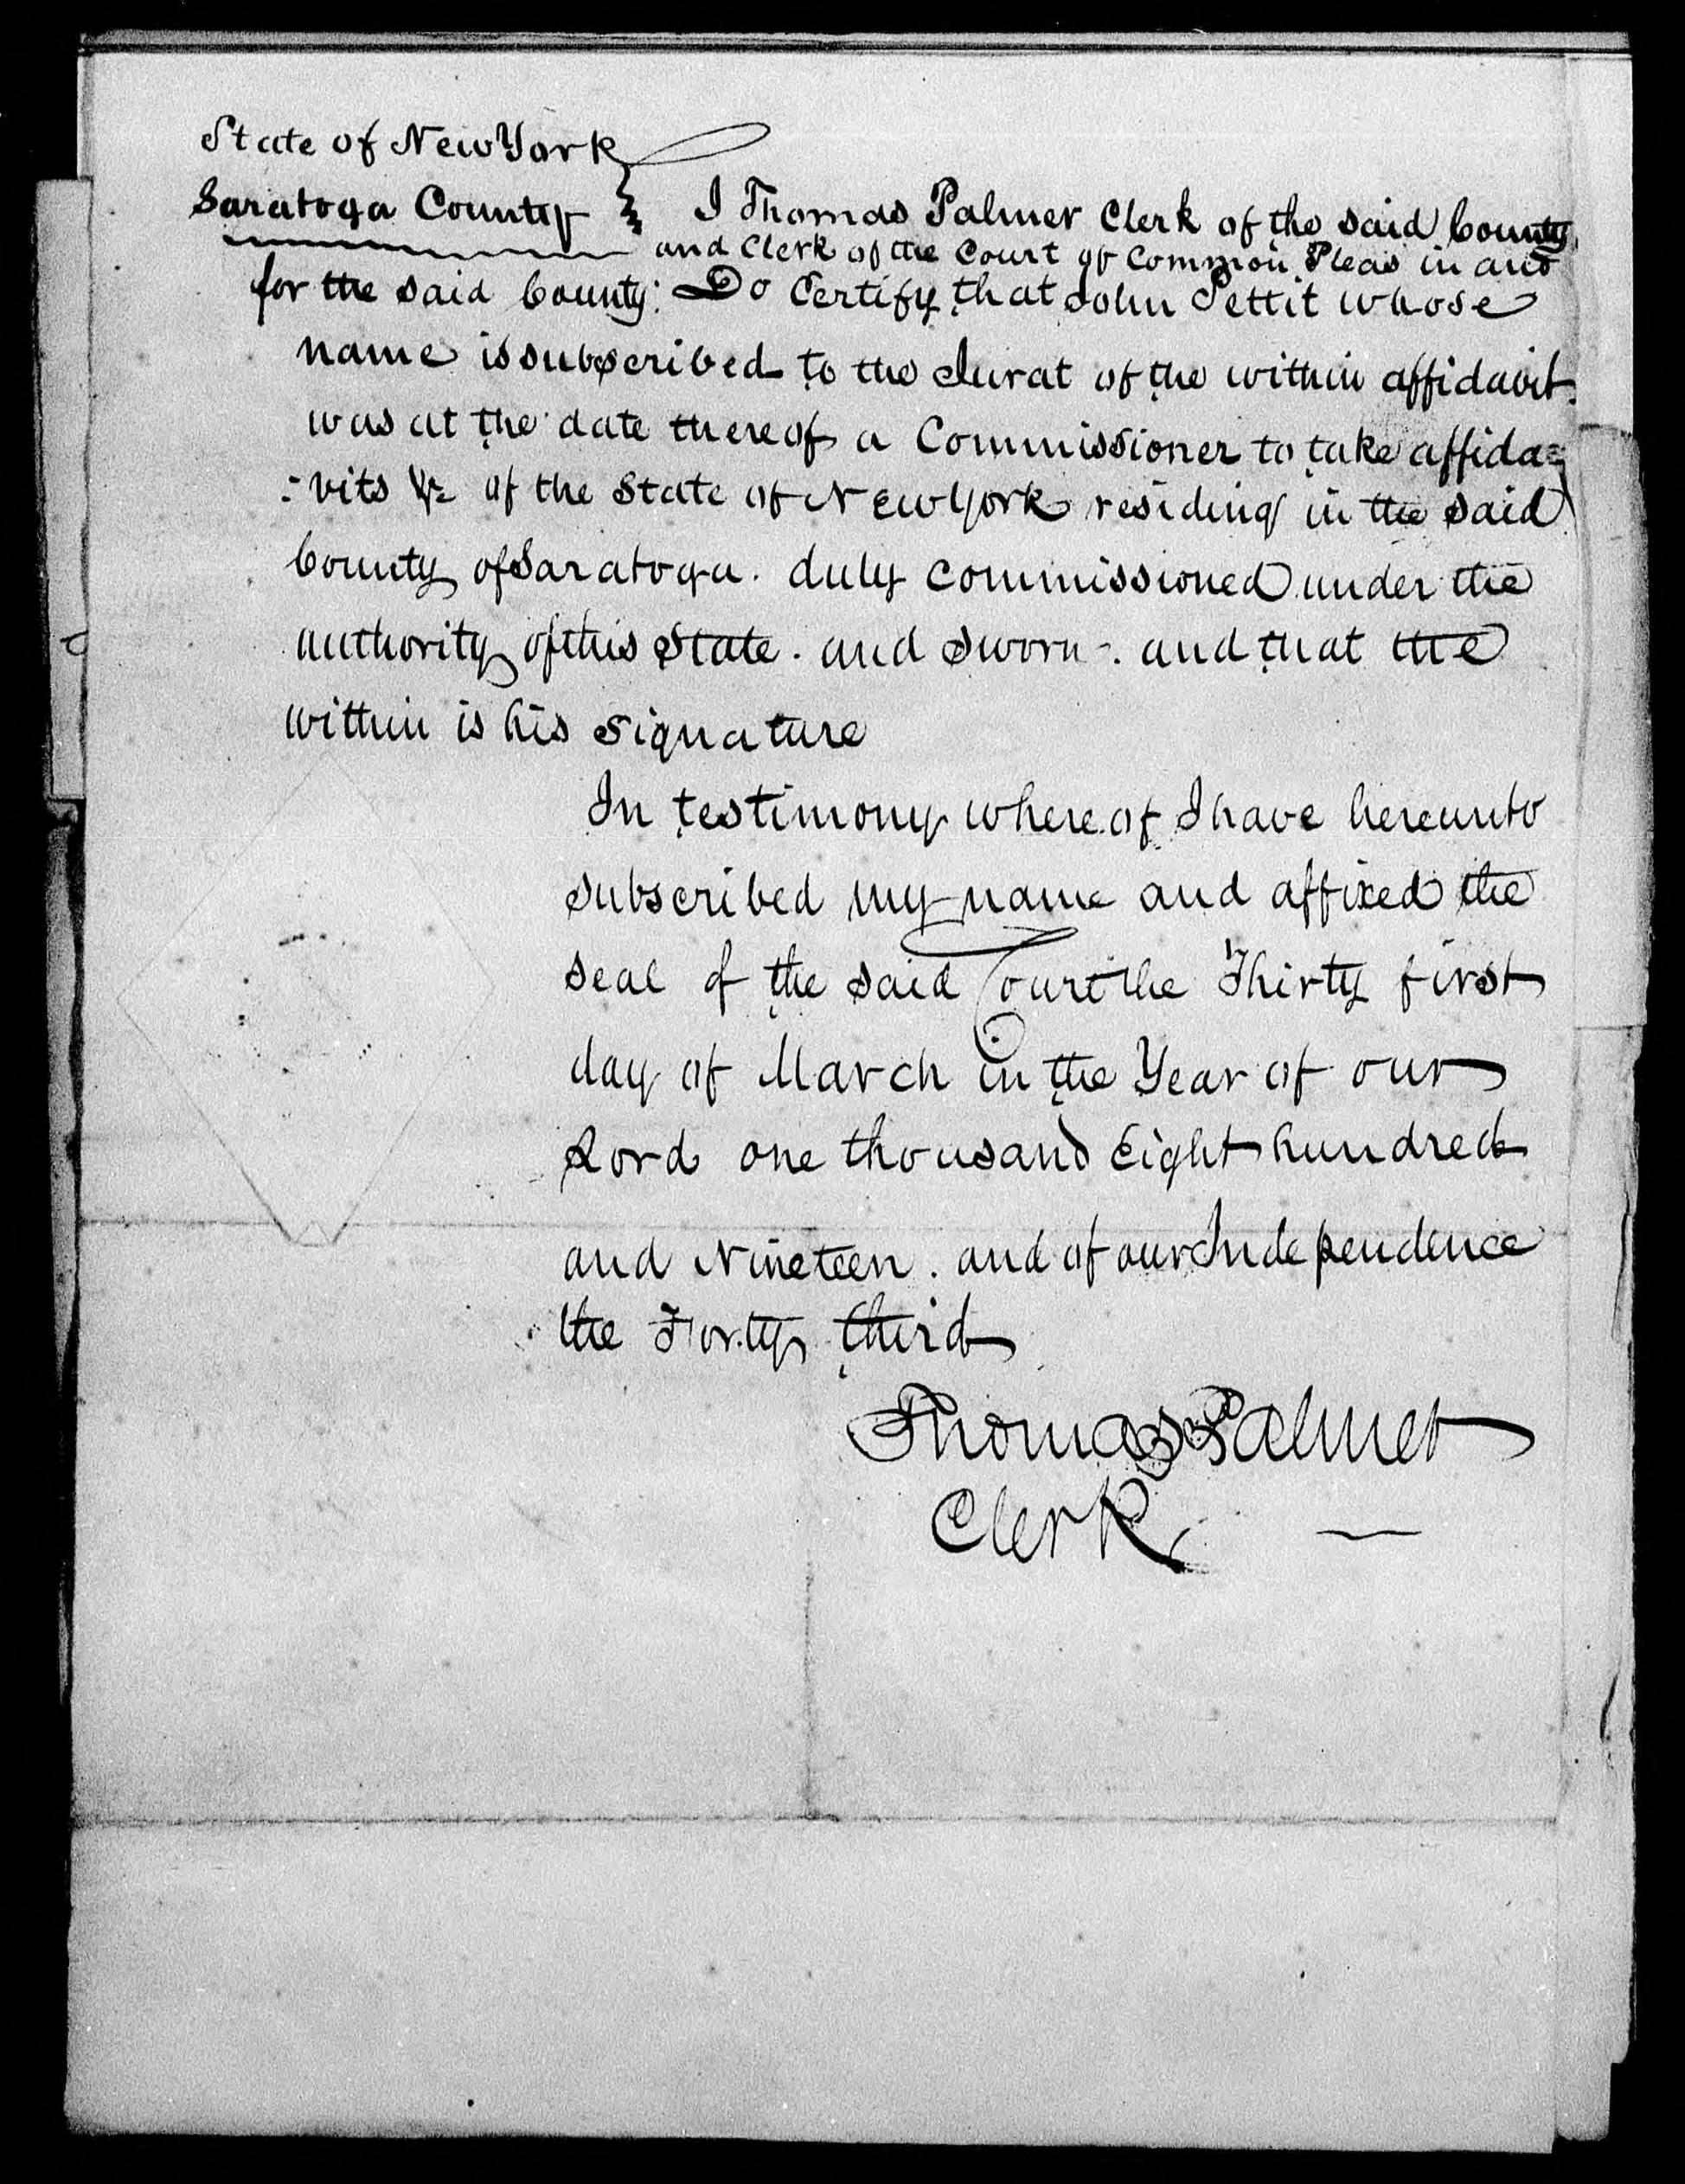State of New York
Saratoga County
I Thomas Palmer Clerk of the said County and Clerk of the Court of Common Pleas in and for the said County: Do certify that John Pettit whose name is subscribed to the Jurat of the within affidavit was at the date thereof a Commissioner to take affida-vits [illegible] of the State of New York residing in the said County of Saratoga. duly commissioned under the authority of the State. and Sworn. and that the within is his signature
In testimony whereof I have hereunto subscribed my name and affixed the seal of the said Court the Thirty first day of March in the Year of our Lord one thousand Eight hundred and Nineteen. and of our Independence the Forty third
[signed] Thomas Palmer 
Clerk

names: John Pettit, Thomas Palmer, Thomas P Palmer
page: 27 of 54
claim: survivor's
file: S. 13,043, Samuel Foster, Conn.